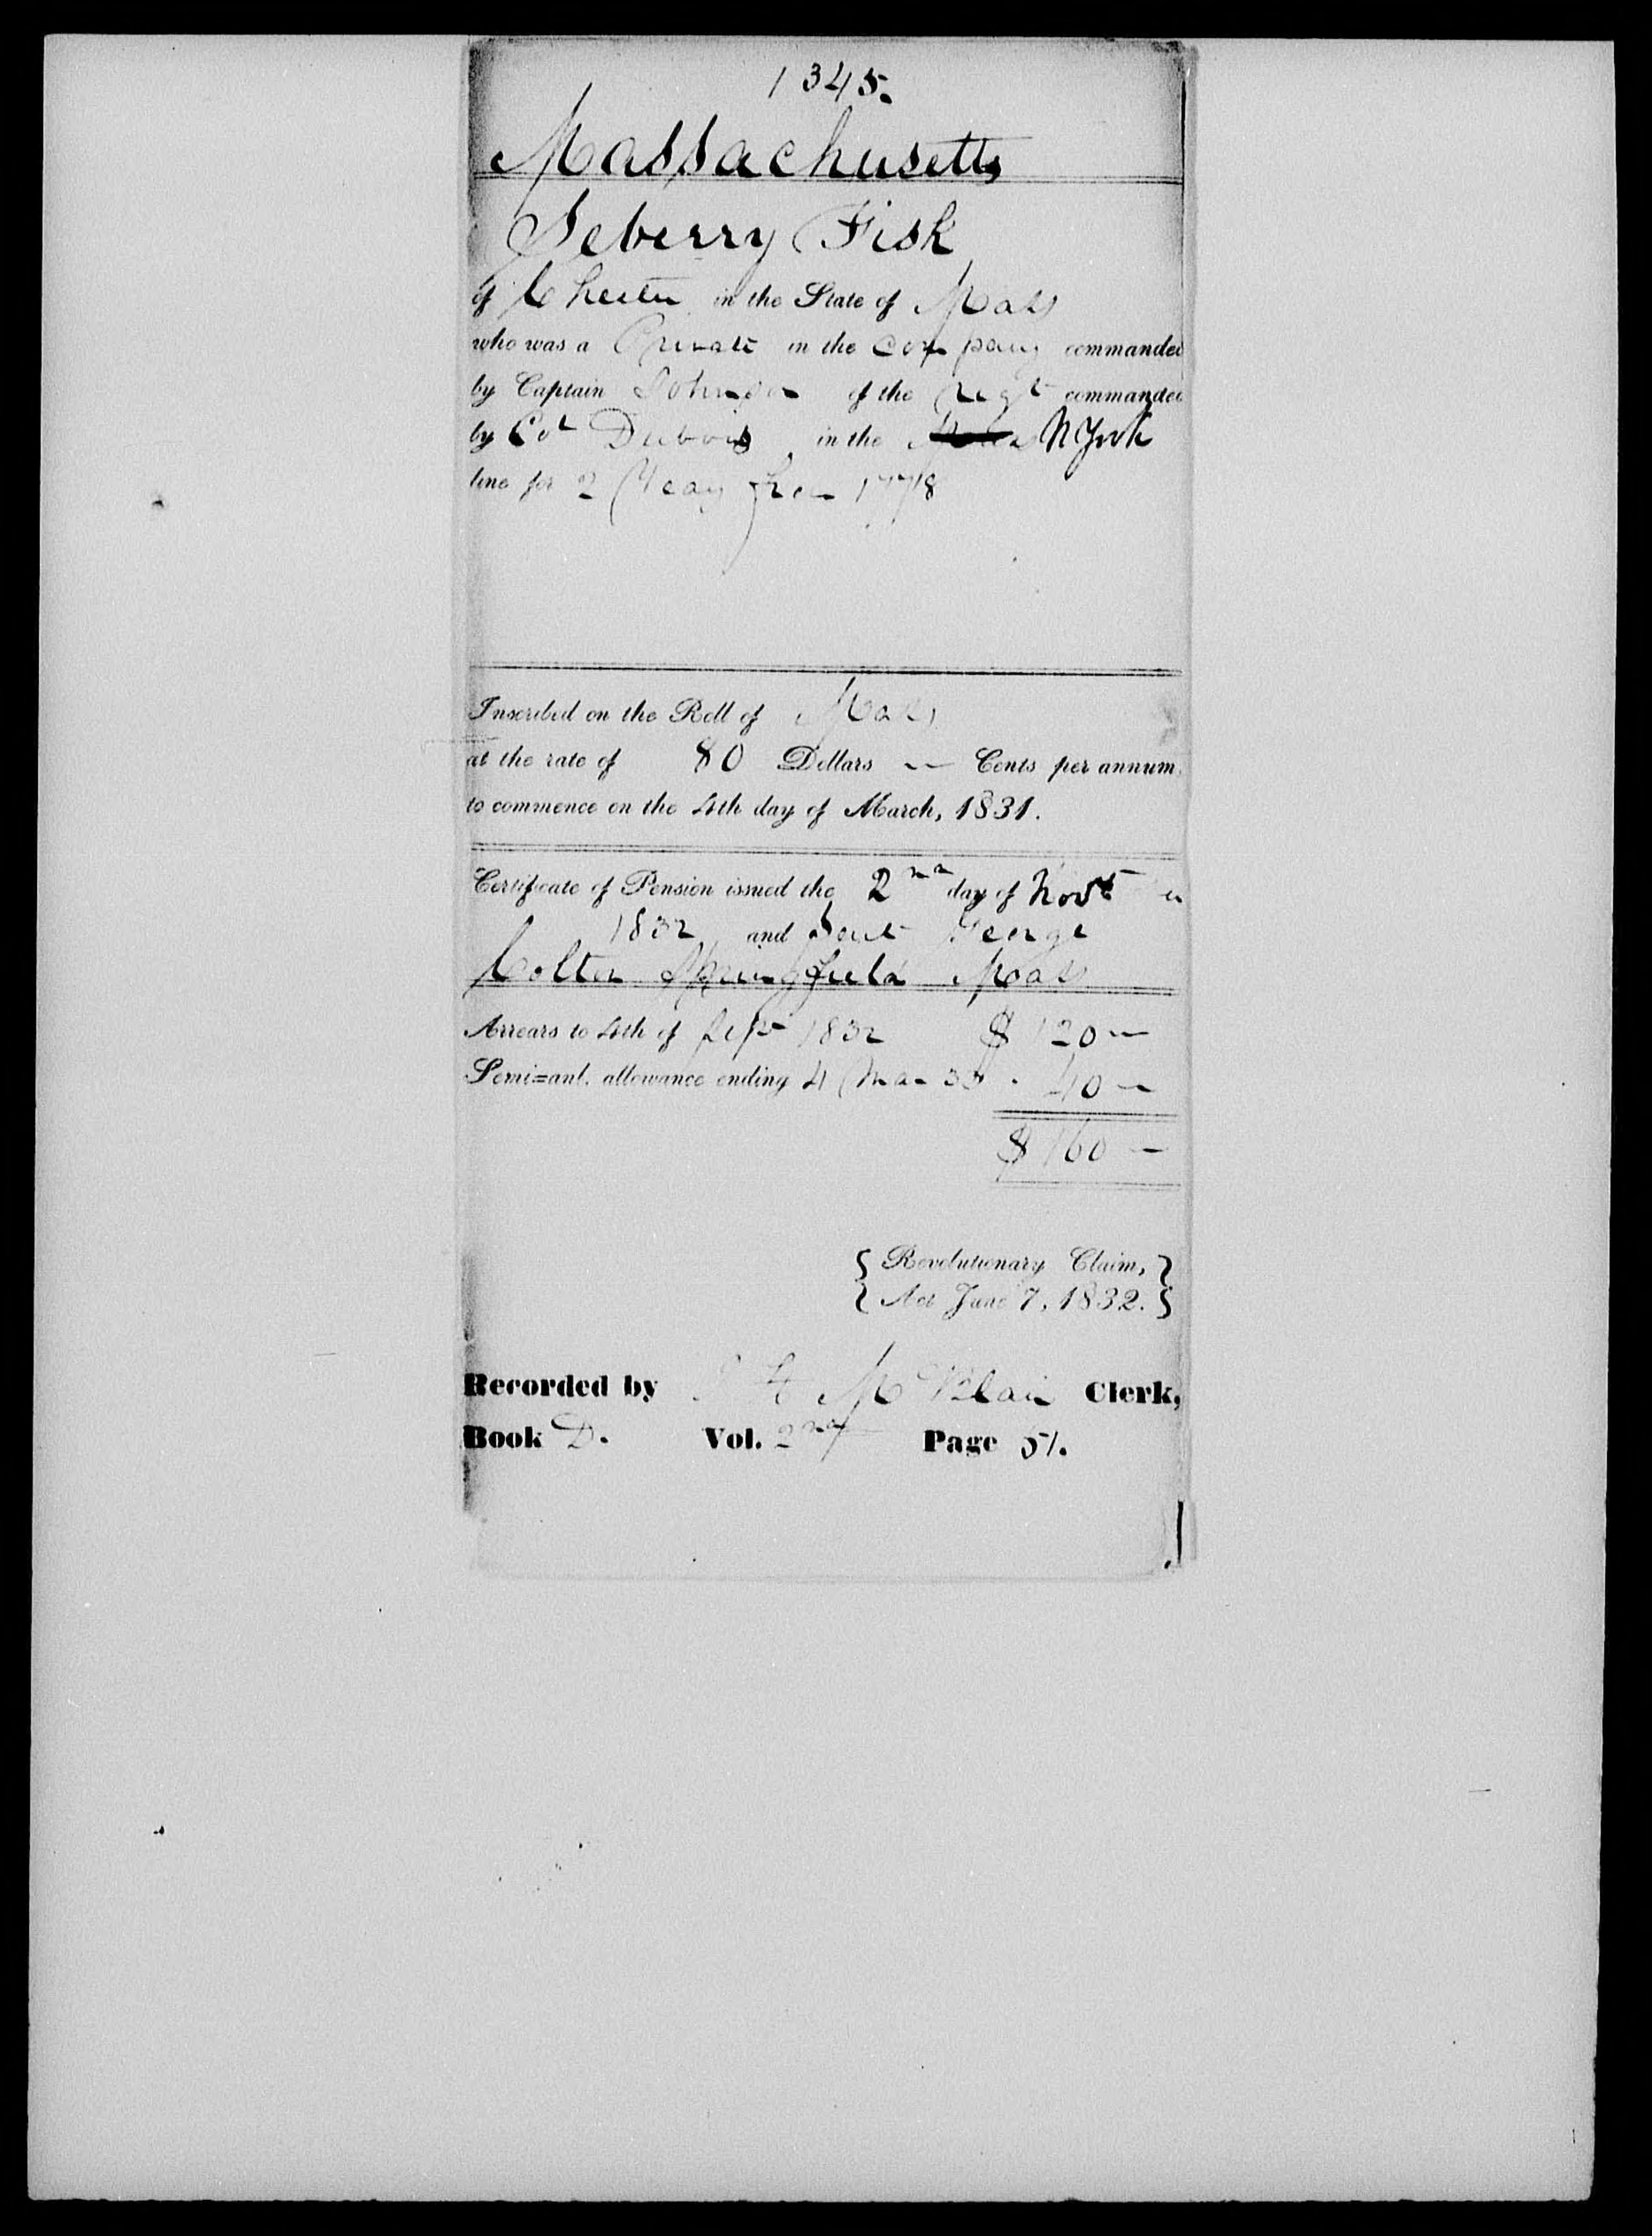[Record is a printed form with handwritten entries.]

1345.
Massachusetts
[Double line]

Seberry Fisk
of Chester in the State of Mass
who was a Private in the company commande_ [last letter was cut off at edge of page] 
by Captain Johnso_ of the regt commanded by Col Dubois, in the [here the word "Mass" was crossed out, and replaced with] N York line for 2 Years [next word is almost illegible, possibly:] from 1778

[Double line] 

Inscribed on the Roll of Mass at the rate of 80 Dollars ~~ Cents per annum, to commence on the 4th day of March, 1831.

[Double line] 

Certificate of Pension issued the 2nd day of Novr in 1832, and Sent George Coltor [or Colter or Colton] Springfield Mass
[Double line]

Arrears to 4th of Sept 1832 $120.~
Semi=anl. allowance ending 4 Mar 33 [1833] [$] 40 ~
[Double line]
$160~

[Double line]

(Revolutionary Claim)
(Act June 7, 1832.)

Recorded by [partially faded, hard to read, possibly:] J H McBlair [or McBlais or McBlain] Clerk, 
Book D. Vol 2nd Page 51.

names: Seberry Fish, George Colton, Dubois, J H Mc Blair, Johnson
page: 2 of 26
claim: survivor's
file: S. 29797, Seberry Fish, New York